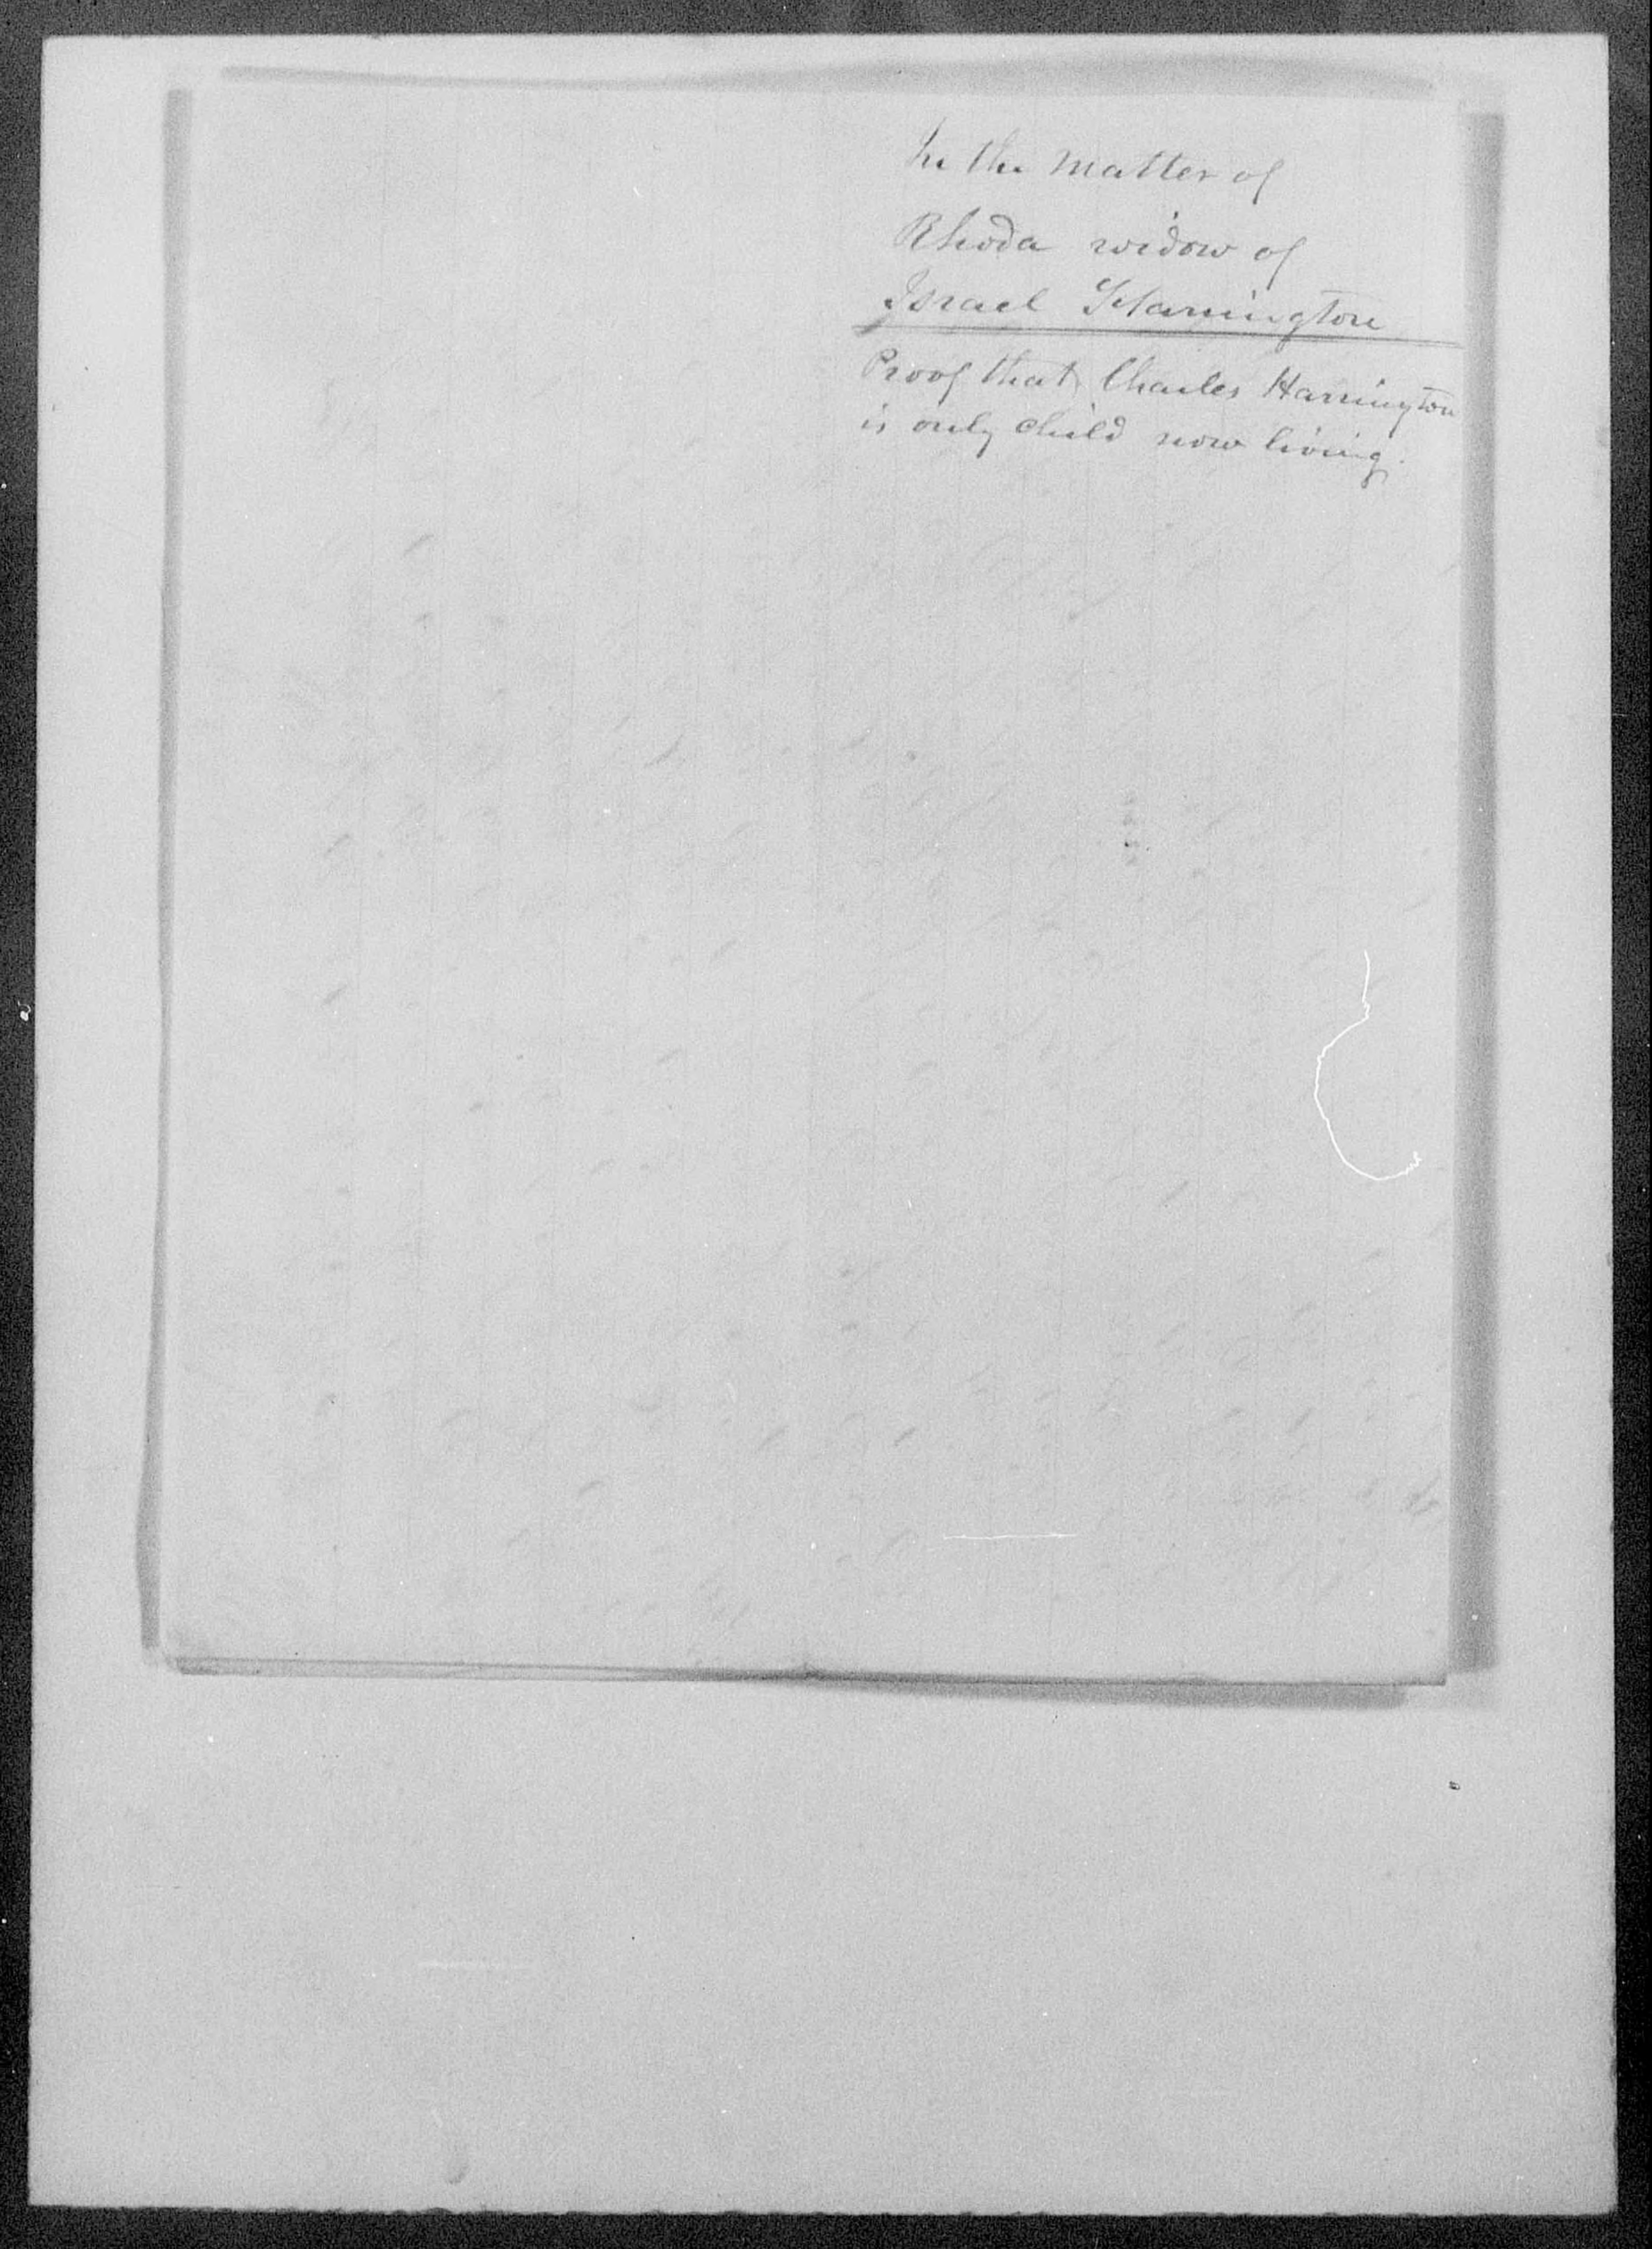In the matter of Rhoda widow of Israel Harrington

Proof that Charles Harrington is only child now living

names: Rhoda Harrington, Charles Harrington, Israel Harrington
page: 49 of 51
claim: widow's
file: W. 19,026, Israel Harrington, R.I.